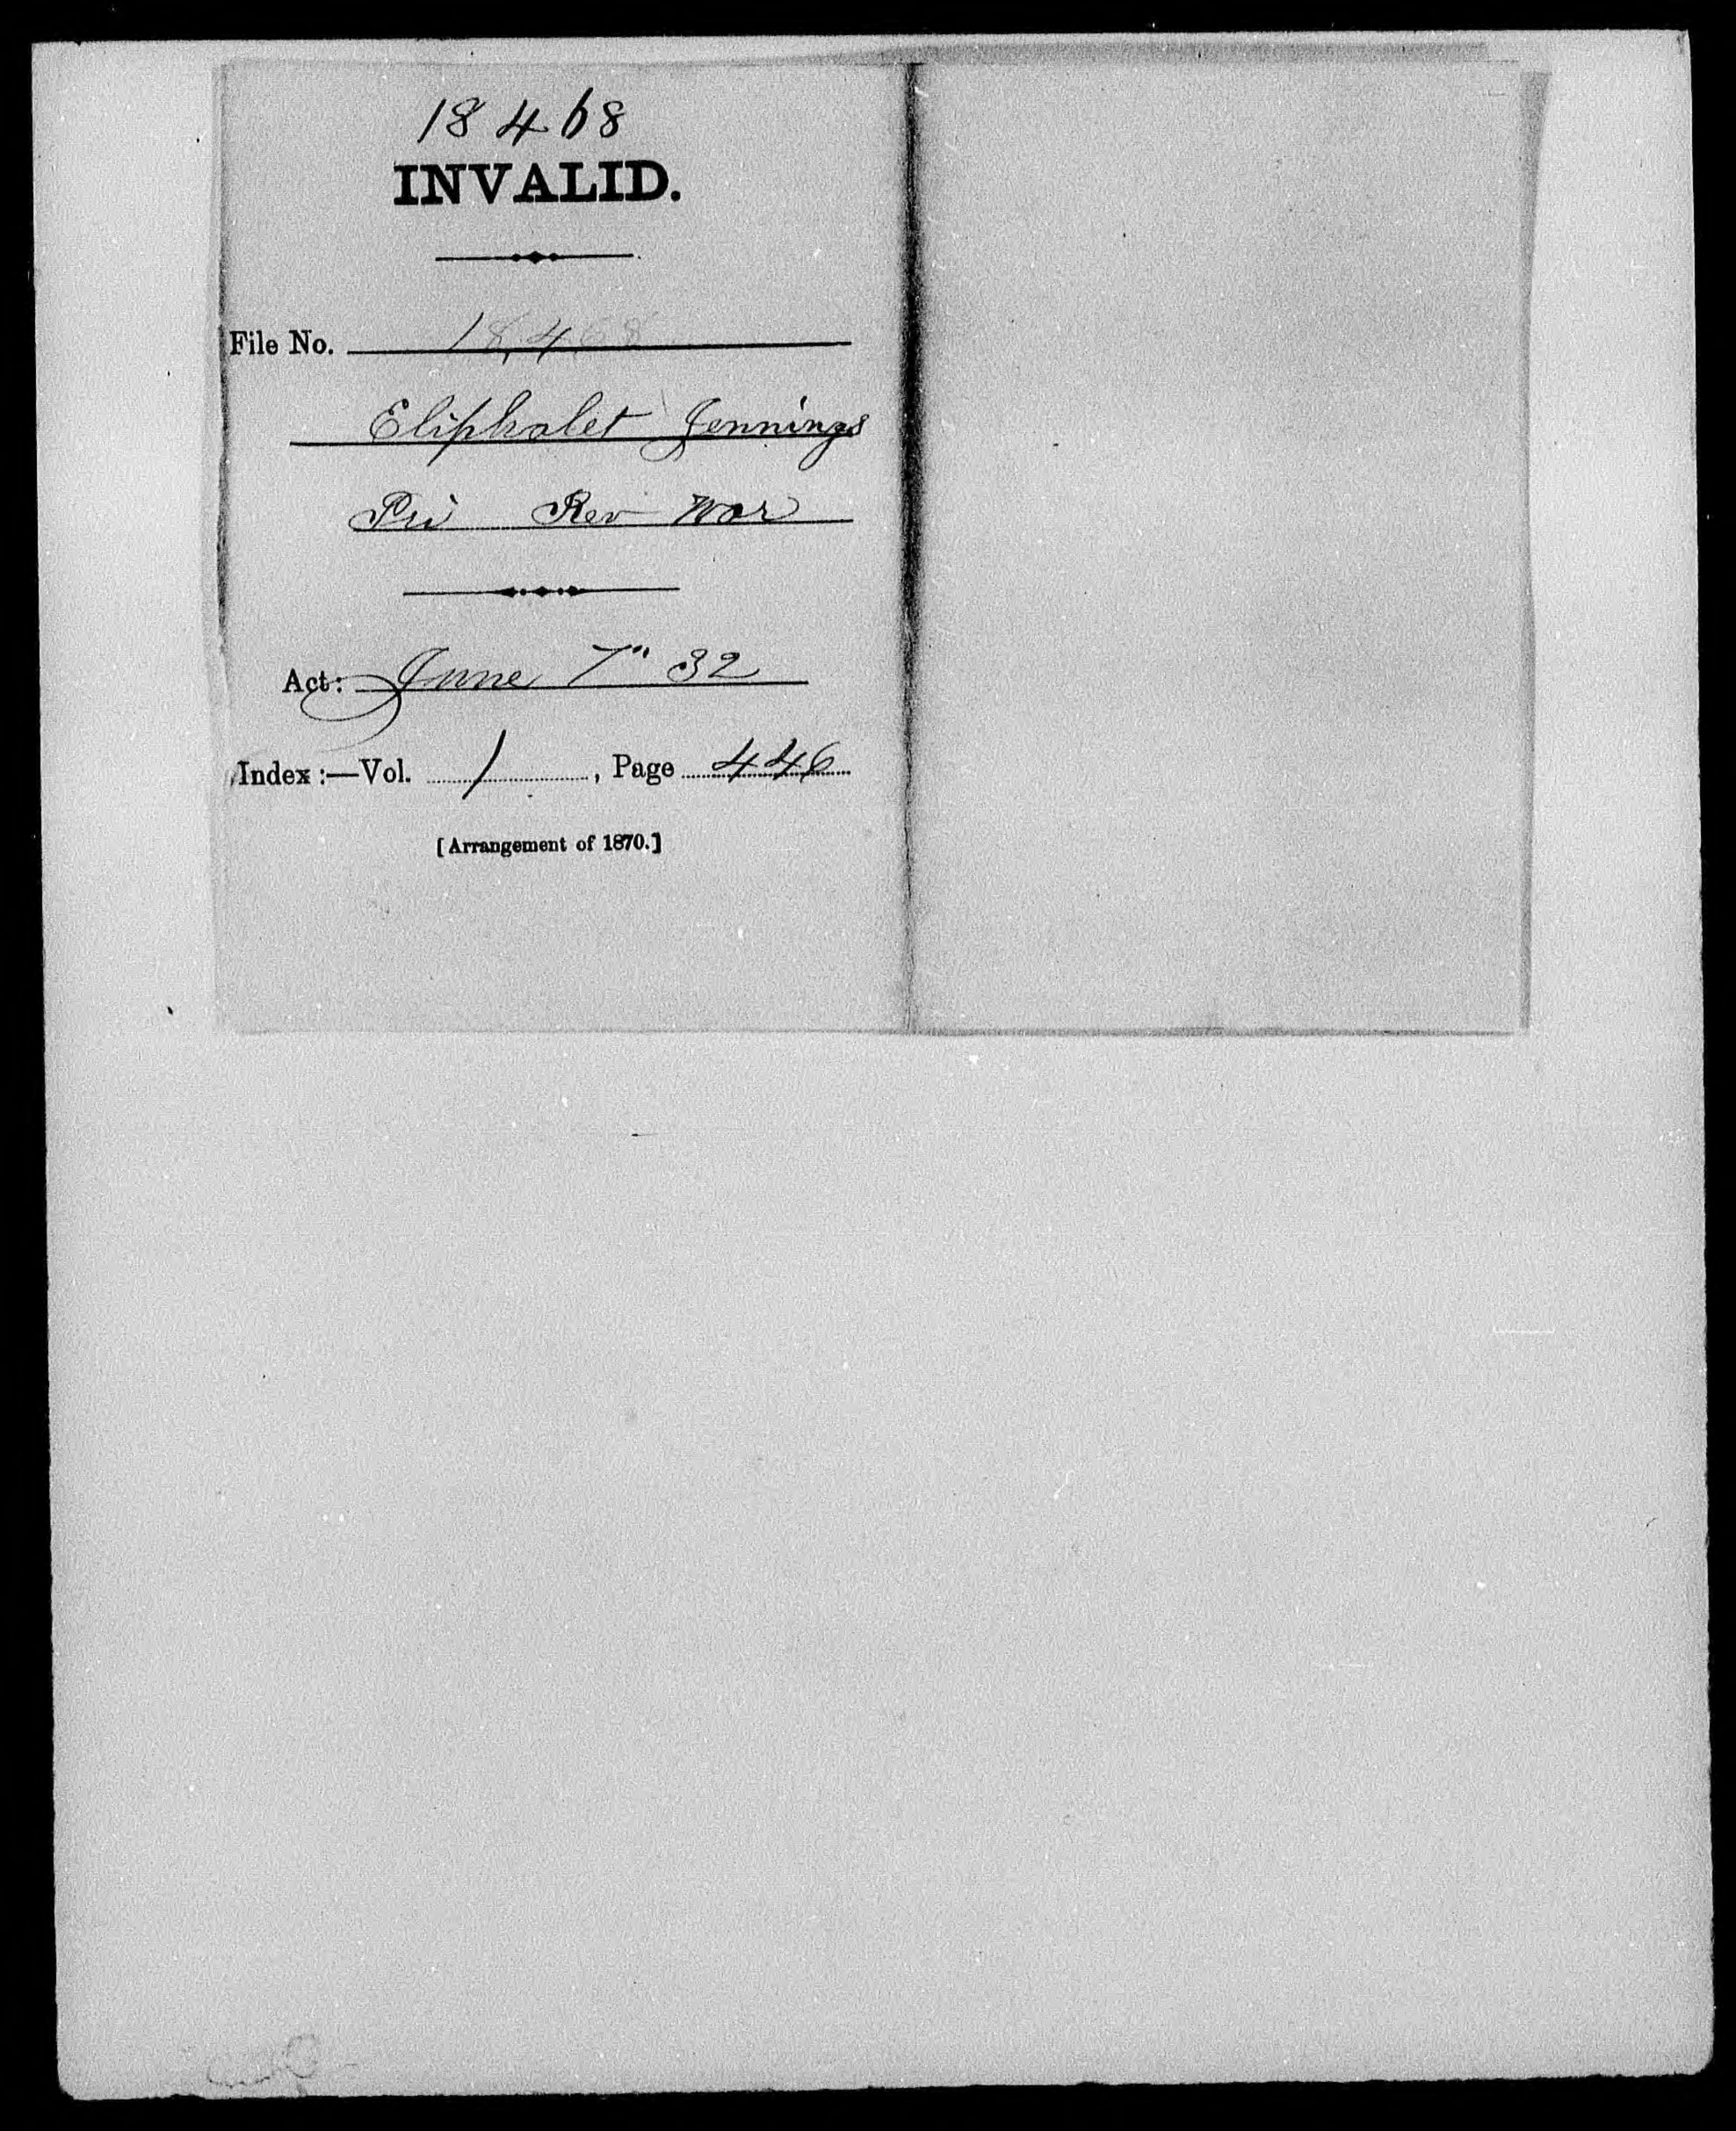18468
INVALID.
------------
File No. 18468
Eliphalet Jennings
Pri [Private] Rev [Revolutionary] War
------------
Act: June 7th 32 

Index: --Vol. 1, Page 446
[begin bracket] [Arrangement of 1870.] [end bracket]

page: 3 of 10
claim: survivor's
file: S. 18468, for Eliphalet Jennings, Connecticut